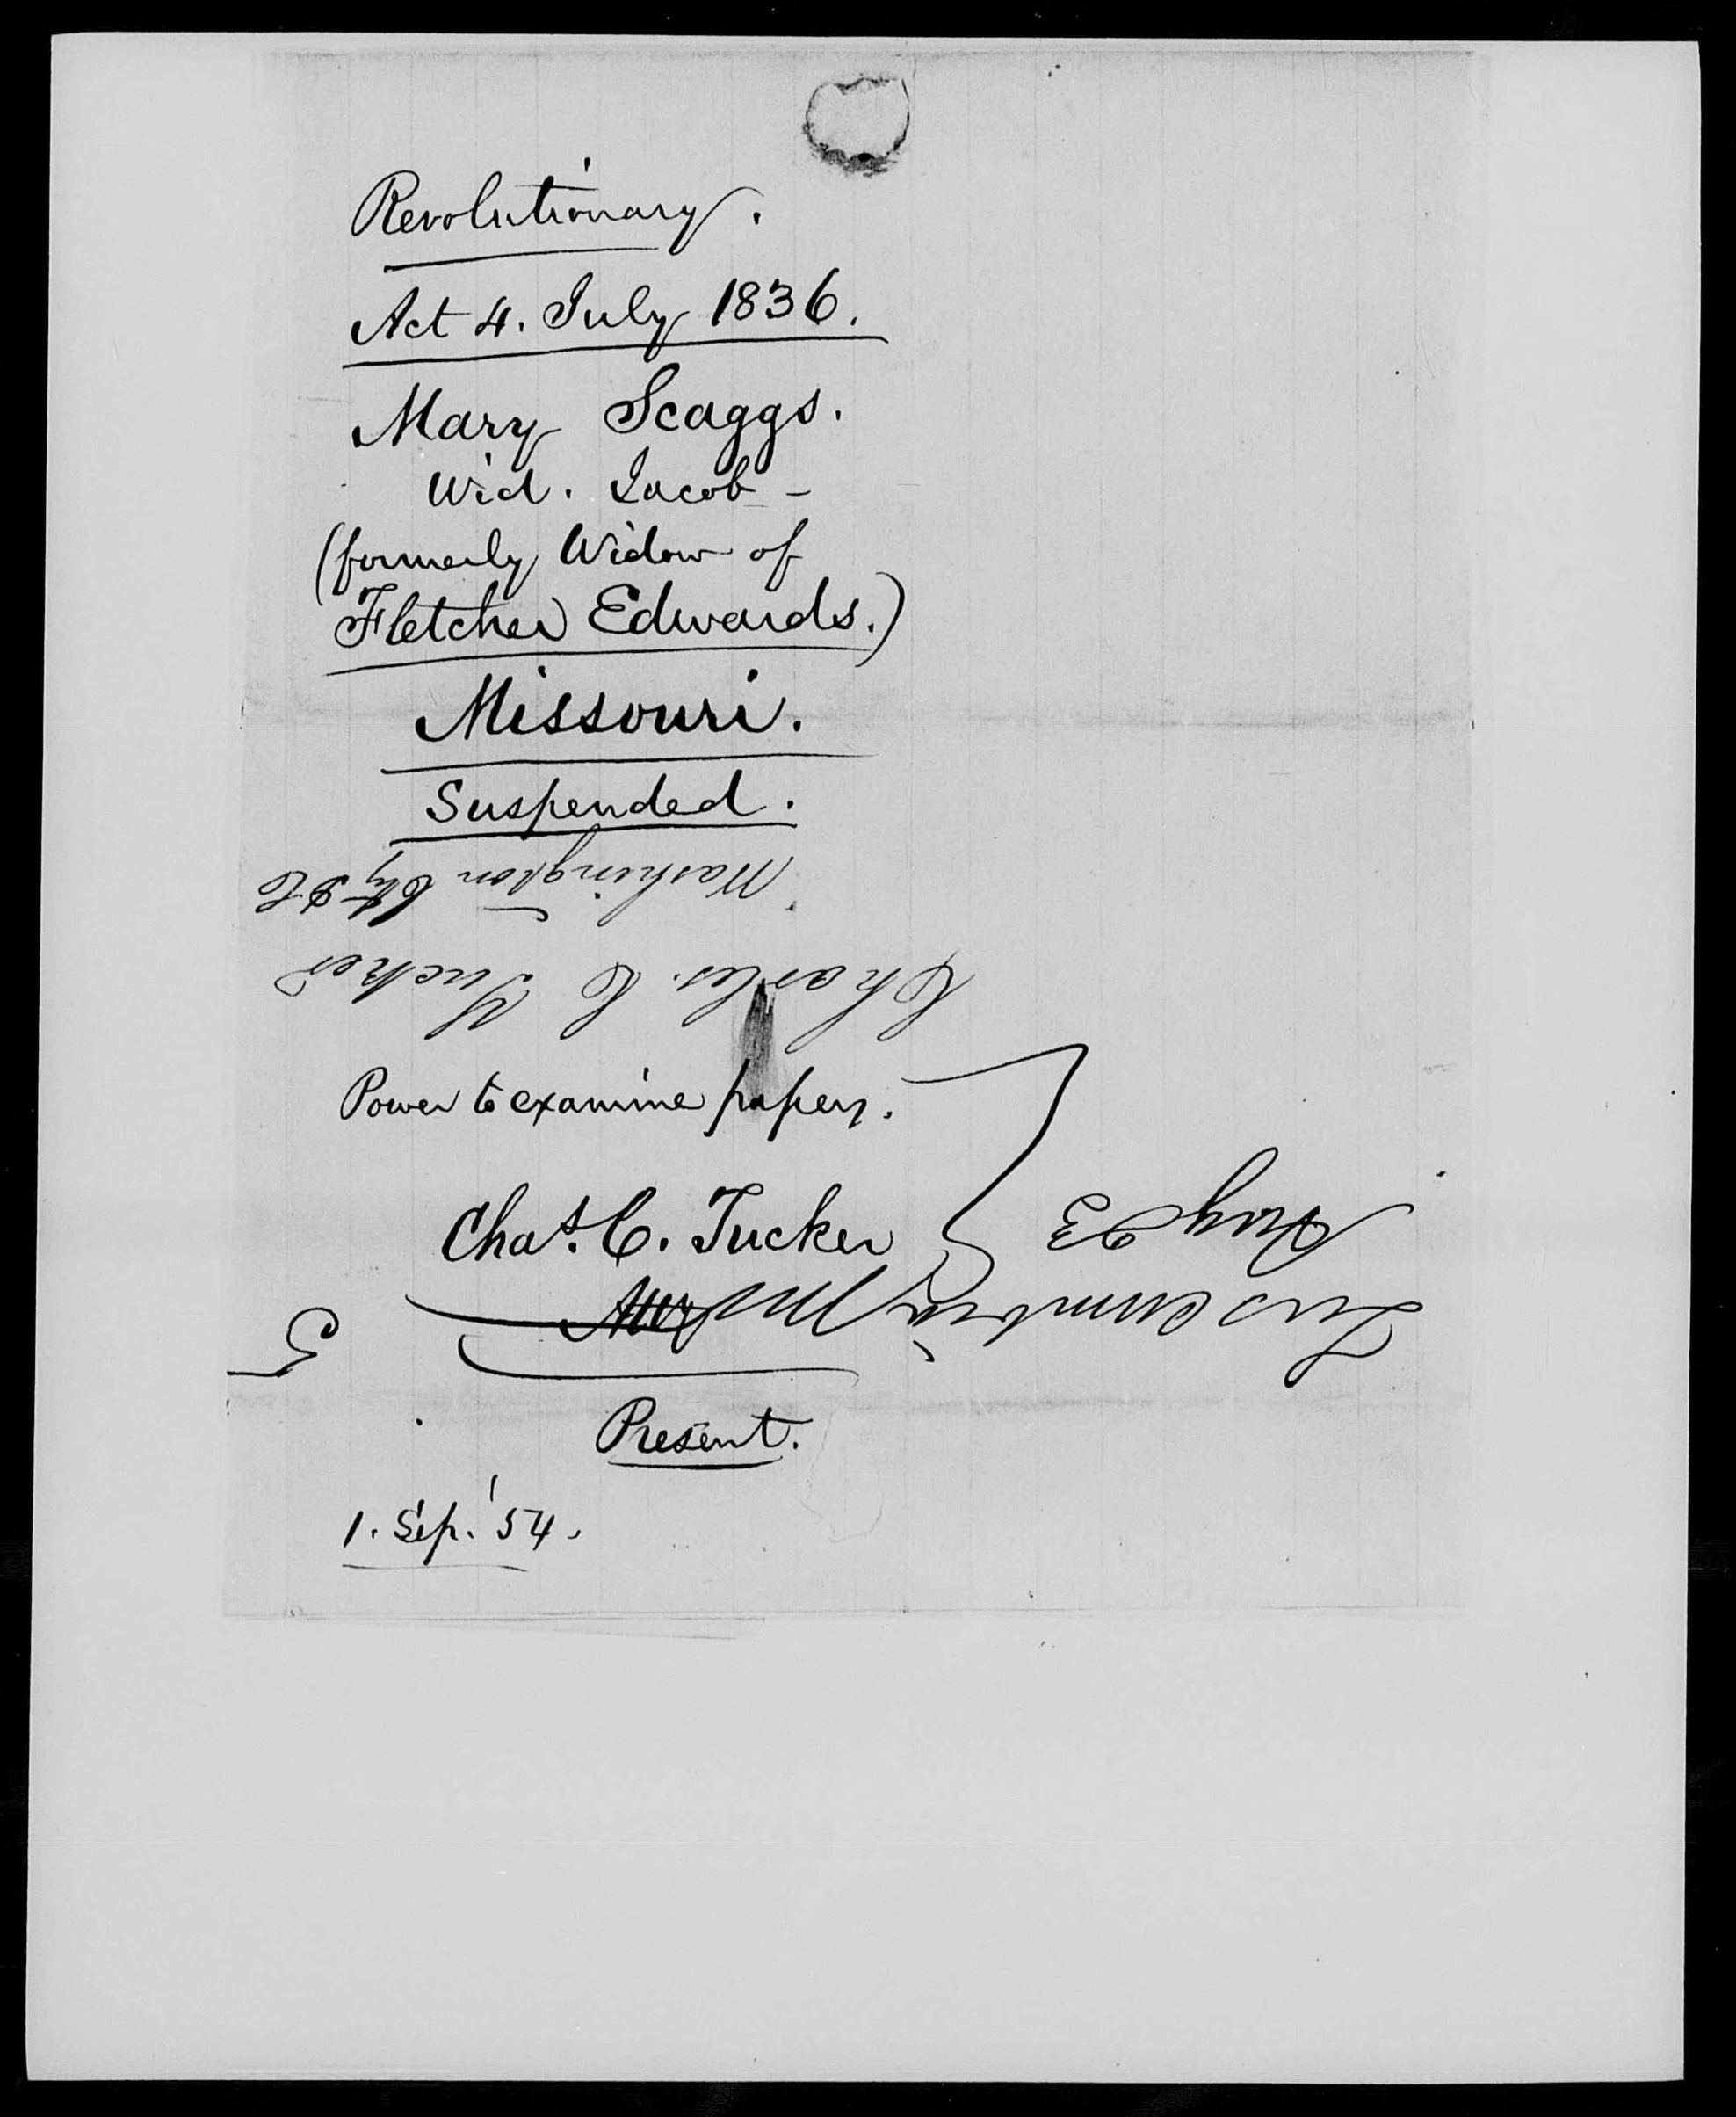Revolutionary Act 4 July 1836.
Mary Scaggs.
Wid. Jacob
(formerly widow of Fletcher Edwards)
Missouri.
Suspended.

Power to examine papers-
Chas C. Tucker---
Attorney
Present.
1. Sep. 54.

[upside down]
Charles C. Tucker
Washington City D.C.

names: Chas C Tucker, Jacob Scaggs, Mary Scaggs, Fletcher Edwards, Charles C Tucker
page: 7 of 16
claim: rejected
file: R. 9,250, Fletcher Edwards, S.C.